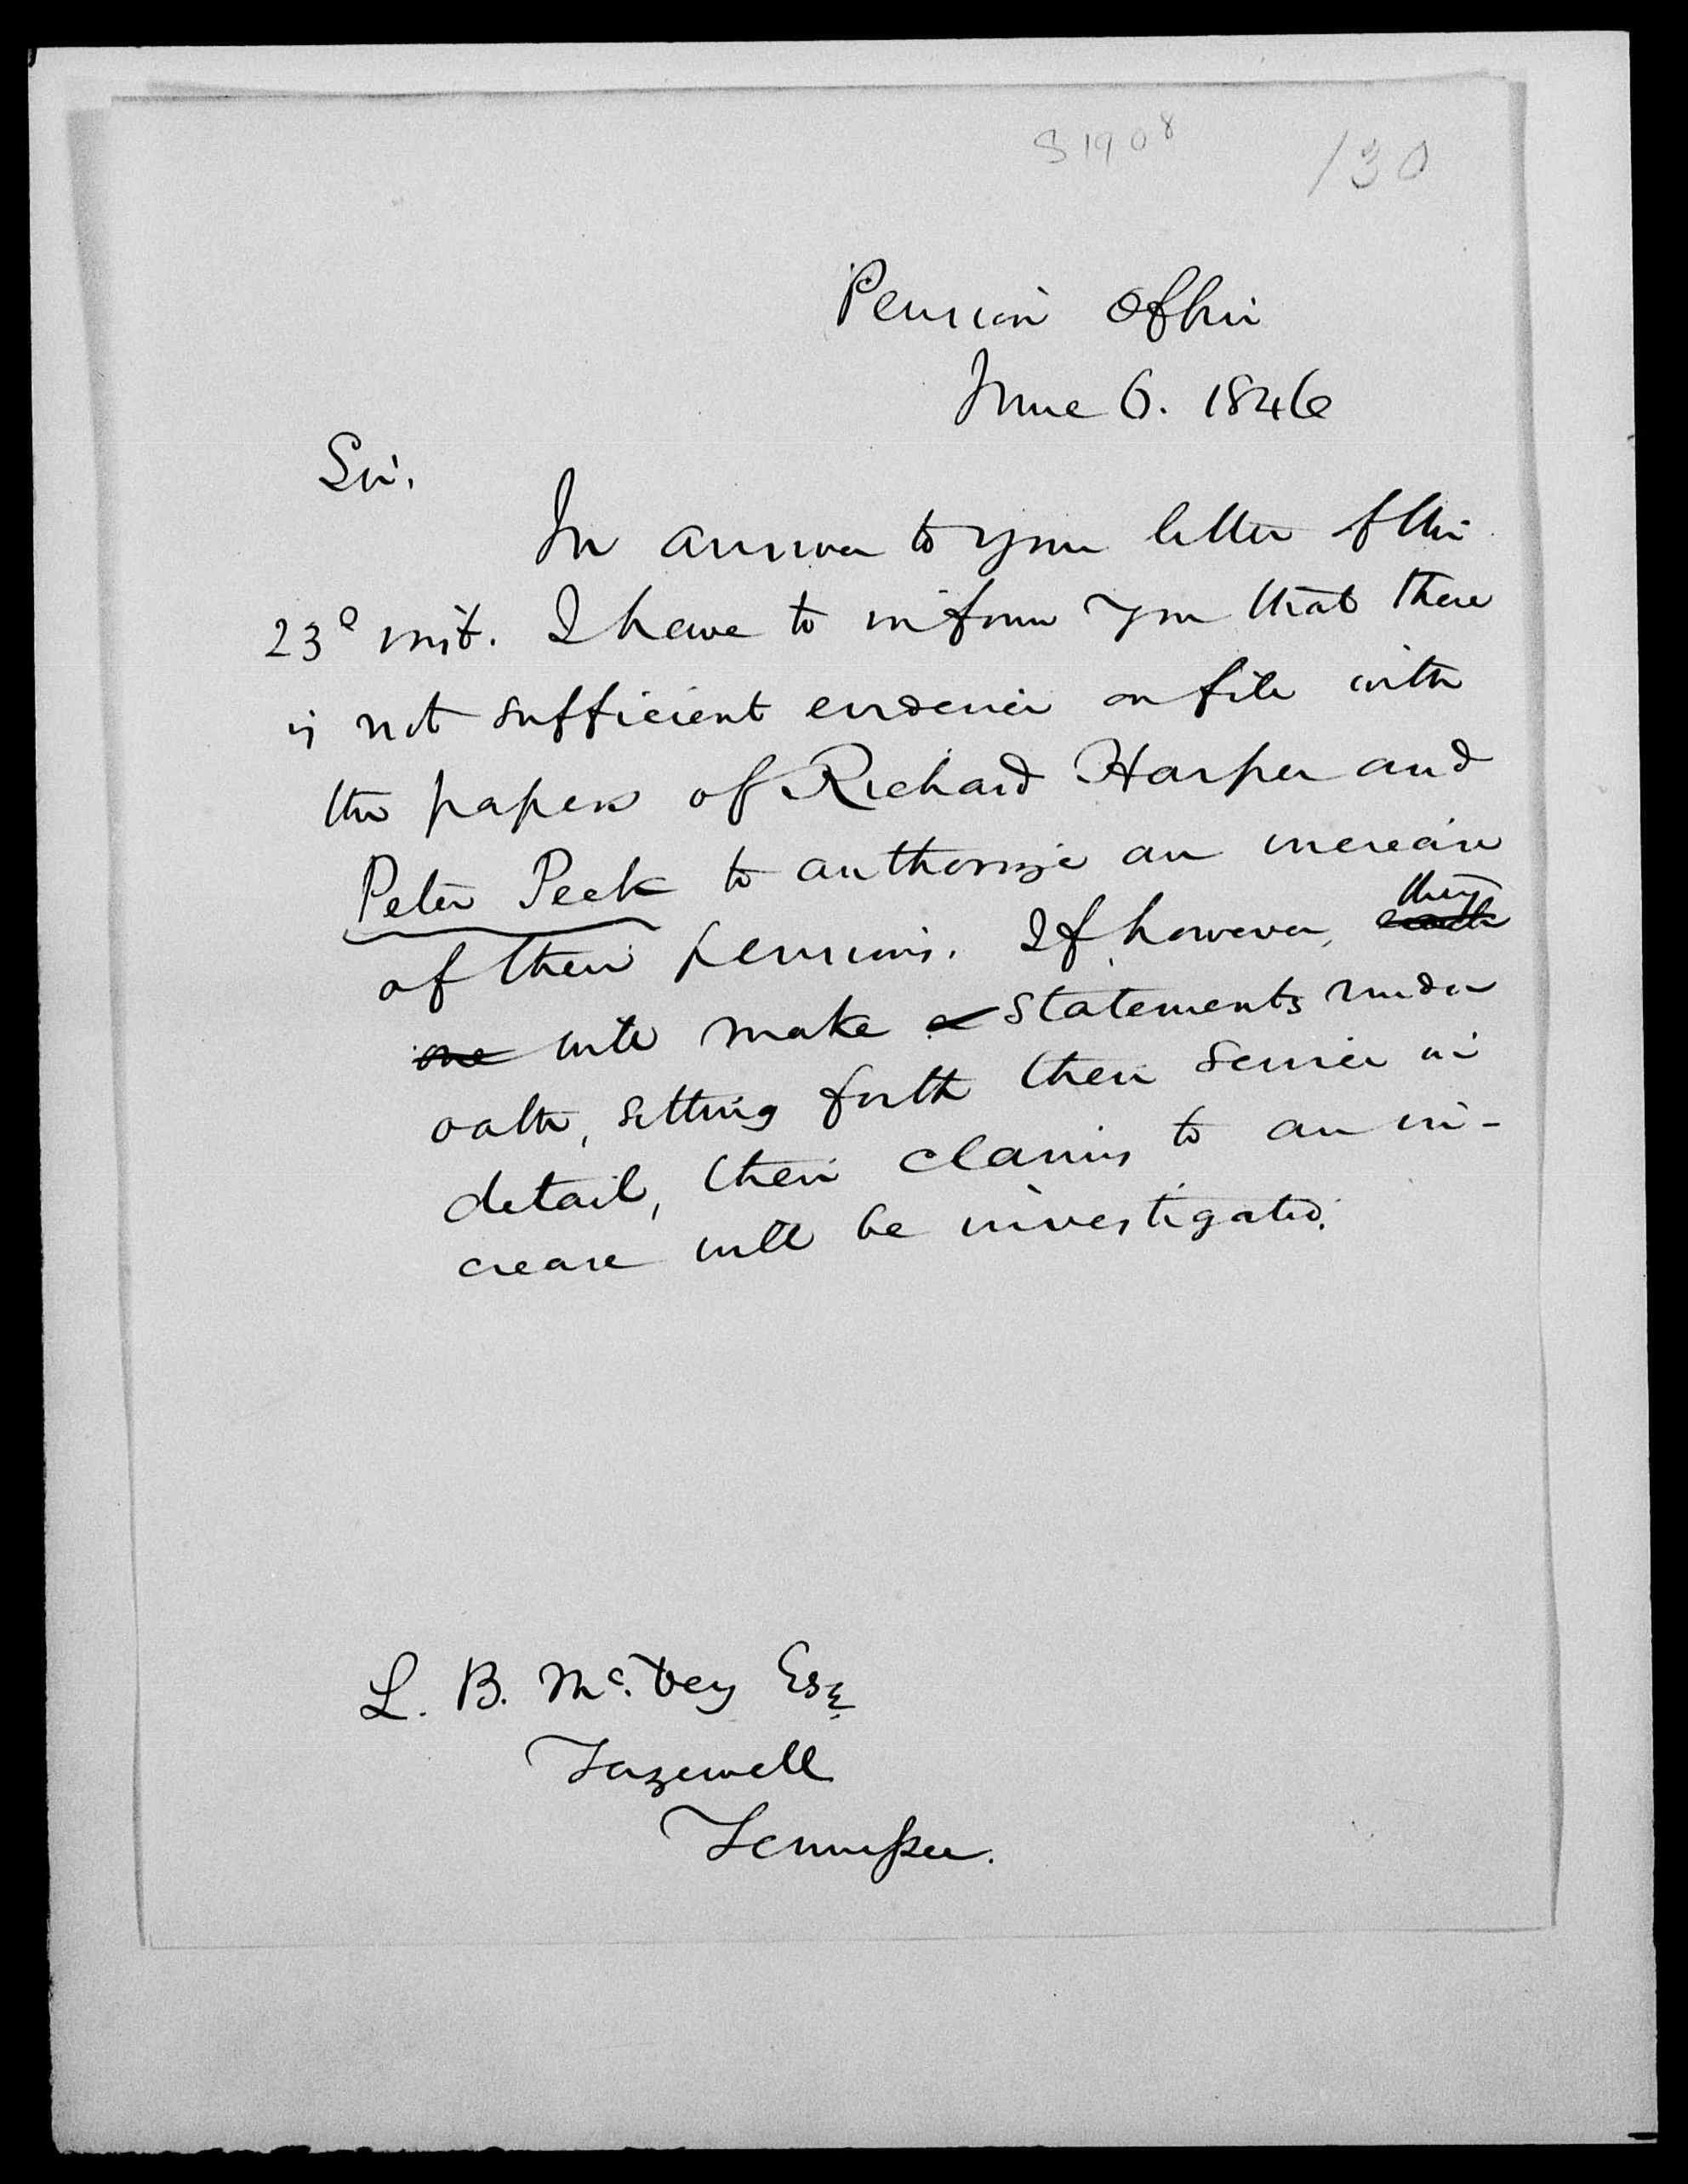S 1908     130

Pension office
Jun 6. 1846

Sir,
In answer to you letter [illegible] 23 [illegible]. I have to inform you that there is not sufficient [illegible] on file with the papers of Richard Harper and Peter Peck [underlined] to authorize an increase of their pensions. If however they [each one - CROSSED OUT] [illegible] make [a - CROSSED OUT] statement under oath, setting forth their service in detail, then claims to an increase will be investigated. 

L. B. McVey Esq
Tazewell
Tennessee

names: Peter Peck, L B Mc Vey, Richard Harper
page: 22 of 81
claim: survivor's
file: S. 1908, Richard Harper, N.C.